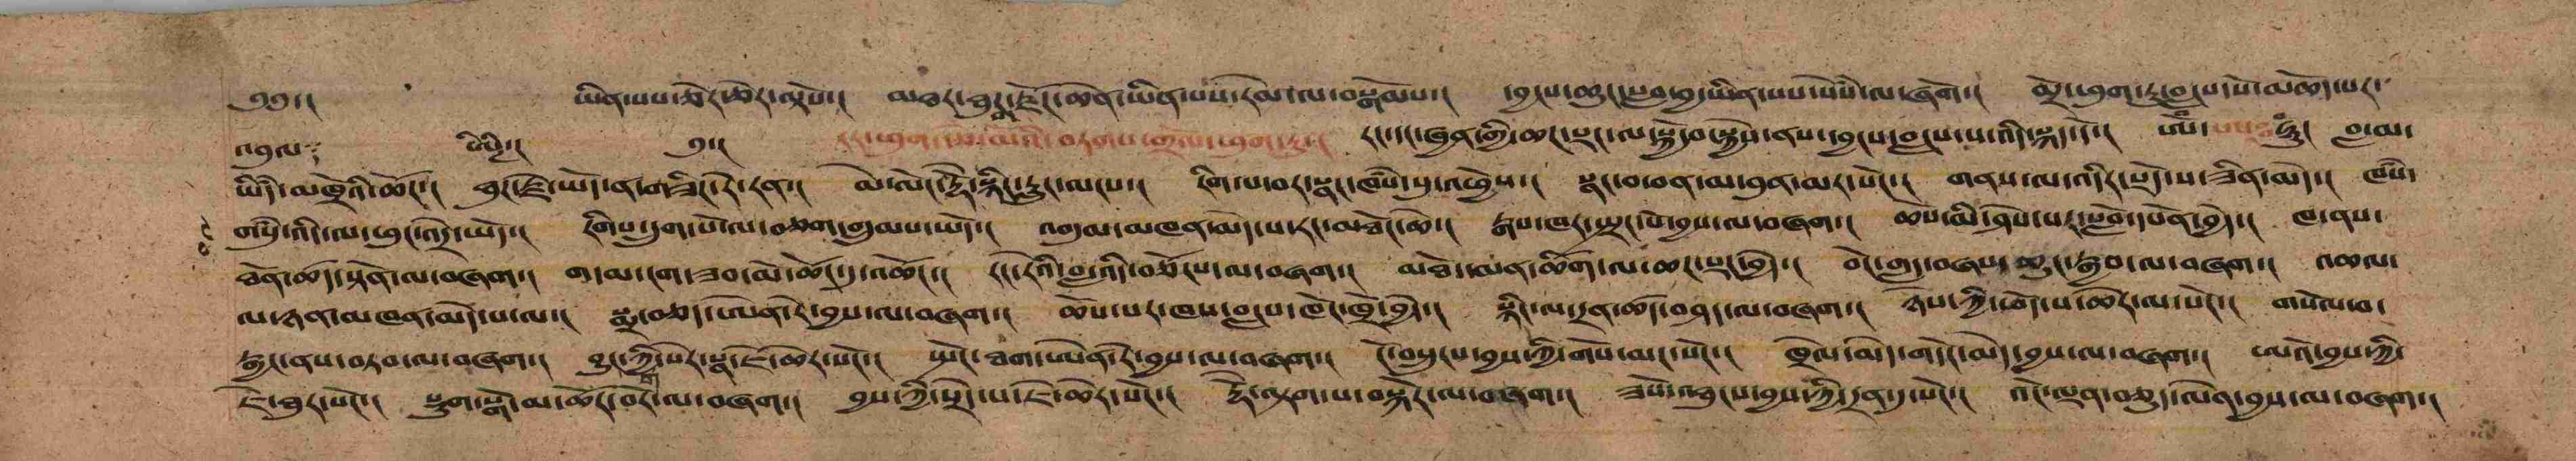༄༅་། ཡིན་པས་ཅེར་ཅེར་ལྟོས། མཐར་ཐུགས་རྫོགས་ཆེན་ཡིན་པས་རེམ་ལ་བསྒོམས། དབྱངས་ཆུང་སླབ་བྱ་ཡིན་པས་སེམས་ལ་ཞོག། མཁའ་འགྲོ་ཕུག་ཏུ་བླངས་སོ་མཆོད་པར་
འབུལ༑ ཨིཊི། ༄་། ངར་ཕུག་རྩེ་མོའི་བཏགས་གྲོལ་ཕུག་ཏུ། རང་དང་ཞྱན་གྱི་ཆགས་སྡང་ལ་སྐྱོ་བ་སྐྱེས་ནས་དབྱངས་བླངས་པ་འདི་སྐད་དོ། ཨོཾ་ཨཿ ཧཱུཾ། བླ་མ་
ཡིད་དམ་མཁའ་འགྲོའི་ཚོགས། ཐུགས་རྗེ་ཡོད་ན་གཟིགས་རེ་རན། མེ་ལོང་རྡོ་རྗེ་སྙིང་རླུང་ལངས། རིག་པ་བར་སྣང་ཁམས་སུ་འཕྱོས། སྣང་བ་བན་མ་བུན་མར་སོང་། གནས་ལ་འདིར་སྡོད་ས་ཟིན་མེད། ཁམས་
གསུམ་འདི་ལ་ཕུང་འདྲེ་ཡོད། རིགས་དྲུག་པོ་ལ་བཅག་གྲུམས་ཡོད། འགུལ་མཁན་མེད་པ་རང་མཐོང་ཆེ། རྒས་ཁར་སྤྲང་པོ་བྱས་ལ་བཞག། ཆོས་མི་ཤེས་པར་སློབ་དཔོན་བྱེད། ཁ་ནས་
ཐོན་ཚད་སྟོན་ལ་བཞག། གདམ་ངག་ཟབ་མོ་ཚོང་དུ་འཚོང་། རང་རེའི་བླ་འདི་བཙོངས་ལ་བཞག། མཐོ་དམན་ཚིག་ལ་ཆགས་སྡང་བྱེད། བོང་གླད་བཞས་ཆུང་རྒྱབ་ལ་བཞག འཆལ་
ལ་ཉན་མཁན་མེད་པ་ལ། སྨྲ་བཅད་ཨེན་རེ་བྱས་ལ་བཞག ཆོས་པར་ཁས་བླངས་ཁོང་ཁྲོ་བྱེད། སྙིང་ལ་དྲན་ཚད་བཤད་ལ་བཞག ཉེས་ཀྱི་ཕོད་པ་ཆེར་ལ་སོང་། གསོལ་བ་
རྒྱང་ནས་བཏབ་ལ་བཞག བྱུང་ཀྱི་སེར་སྣ་ཇེ་ཆེར་སོང་། སྤོང་ཐག་ཨེན་རེ་བྱས་ལ་བཞག ངོ་བསྲུངས་བྱས་ཀྱི་གོས་མང་སོང་། ཁྲེལ་མེད་གདེང་མེད་བྱས་ལ་བཞག ཨའོ་བྱས་ཀྱི་
ཇེ་ཐུར་སོང་། སྡུག་སྒོ་མ་ཚོར་བོར་ལ་བཞག བྱས་ཀྱི་སྲིད་པ་ཇེ་ཆེར་སོང་། རྡོ་རྗེ་ལྟག་པ་བསྐོར་ལ་བཞག ཟོས་འཐུངས་བྱས་ཀྱི་དྲན་དུ་སོང་། འོང་ལྡན་བཅུད་ལེན་བྱས་ལ་བཞག